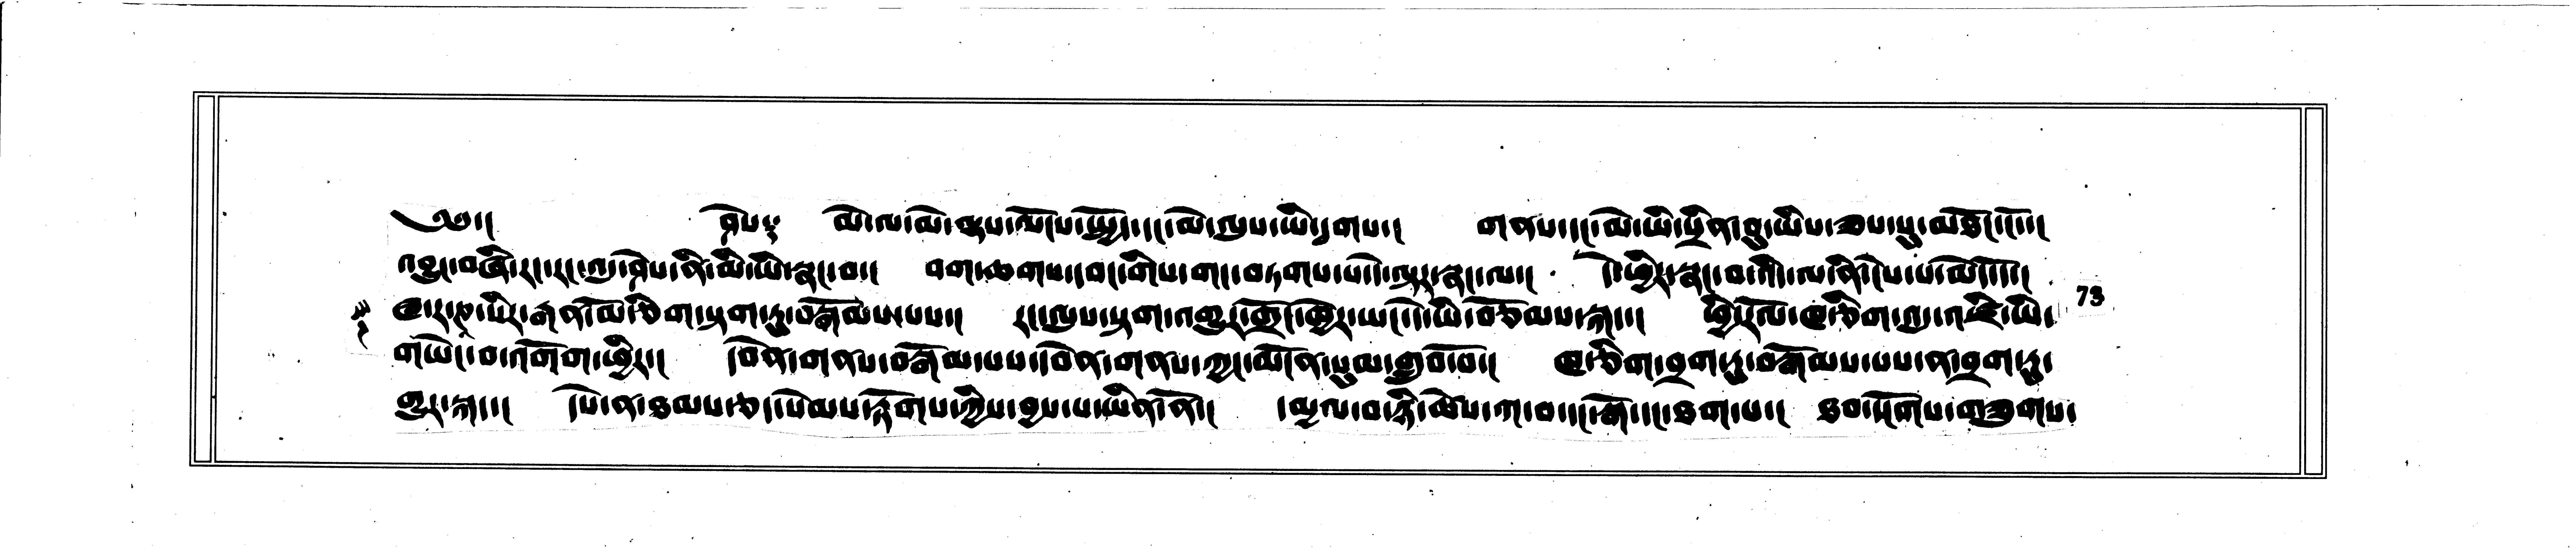ཤེས། །མེ་ལ་མེ་ལྷས་ལོངས་སྤྱོད་དང་མེ་ལུས་ཡི་དྭགས། །གནས་དང་མེ་ཡི་སྲིན་འབུ་ཡིས་ཟས་སུ་མཐོང་ངོ་། 
།འབྱུང་བཞི་རང་རང་འདུ་ཤེས་ནི་མི་ཡི་སྣང་བ། །བག་ཆགས་དབང་གིས་གང་བཏགས་པ་དེ་ལྟར་སྣང་ལ། །དེ་ཕྱིར་སྣང་བ་འདི་ལ་ནི་ངེས་པ་མེད་དོ། 
།ཝ་ར་ཎཱ་སིར་རྒན་མོ་ཞིག་སྟག་ཏུ་བསྒོམས་པས། །རང་ལུས་སྟག་གྱུར་གྲོང་ཁྱེར་ཡང་དེ་ཡིས་བཅོམ་སྐད། །ཕྱི་རོལ་ཁ་ཅིག་འདུ་འཛི་
གཡེང་བ་འགོག་ཕྱིར། །དབེན་གནས་བསྒོམས་པས་དབེན་གནས་ཀྱང་མངོན་སུམ་གྲུབ་བོ། །ཁ་ཅིག་བྲག་ཏུ་བསྒོམས་པས་ན་བྲག་ཏུ་
གྱུར་སྐད། །དེས་ན་ཐམས་ཅད་སེམས་རྟོག་གིས་བྱས་པ་ཡིན་ནོ། །དམྱལ་བ་ཉི་ཚེས་ཀ་བ་དང་སྒོ་དང་ཐག་པ། །ཐབ་ངོགས་གཟུགས་